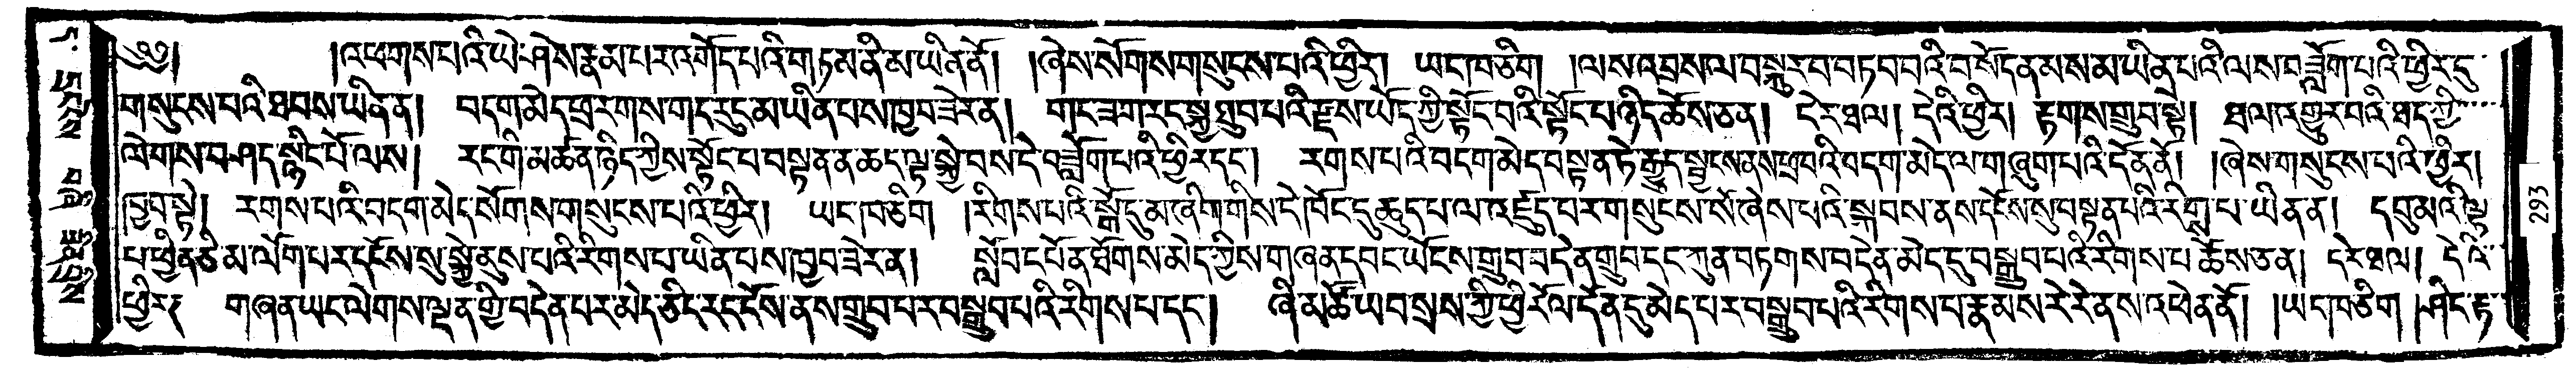༄༅། །འཕགས་པའི་ཡེ་ཤེས་རྣམ་པར་འགོད་པའི་གཏམ་ནི་མ་ཡིན་ནོ། །ཞེས་སོགས་གསུངས་པའི་ཕྱིར། ཡང་ཁ་ཅིག །ལས་འབྲས་ལ་བསྐུར་བ་བཏབ་བའི་བསོད་ནམས་མ་ཡིན་པའི་ལས་བཟློག་པའི་ཕྱིར་དུ་
གསུངས་པའི་ཐབས་ཡིན་ན། བདག་མེད་ཕྲ་རགས་གང་རུང་མ་ཡིན་པས་ཁྱབ་ཟེར་ན། གང་ཟག་རང་སྐྱ་ཐུབ་པའི་རྫས་ཡོད་ཀྱི་སྟོང་བའི་སྟོང་པ་ཉིད་ཆོས་ཅན། དེར་ཐལ། དེའི་ཕྱིར། རྟགས་གྲུབ་སྟེ། ཐལ་འགྱུར་བའི་ཐད་ཀྱི་
ལེགས་བཤད་སྙིང་པོ་ལས། རང་གི་མཚན་ཉིད་ཀྱིས་སྟོང་པ་བསྟན་ན་ཆད་ལྟ་སྐྱེ་བས་དེ་བཟློག་པའི་ཕྱིར་དང་། རགས་པའི་བདག་མེད་བསྟན་ཏེ་རྒྱུད་སྦྱངས་ནས་ཕྲ་བའི་བདག་མེད་ལ་གཞུག་པའི་དོན་ནོ། །ཞེས་གསུངས་པའི་ཕྱིར།
ཁྱབ་སྟེ། རགས་པའི་བདག་མེད་སོགས་གསུངས་པའི་ཕྱིར། ཡང་ཁ་ཅིག །རིགས་པའི་སྒོ་དུ་མ་ཞིག་གིས་དེ་ཁོང་དུ་ཆུད་པ་ལ་འཛུད་པར་གསུངས་སོ་ཞེས་པའི་སྐབས་ནས་དངོས་སུ་བསྟན་པའི་རིགས་པ་ཡིན་ན། དབུ་མའི་ལྟ་
པ་ཕྱིན་ཅི་མ་ལོག་པར་དངོས་སུ་སྐྱེ་ནུས་པའི་རིགས་པ་ཡིན་པས་ཁྱབ་ཟེར་ན། སློབ་དཔོན་ཐོགས་མེད་ཀྱིས་གཞན་དབང་ཡོངས་གྲུབ་བདེན་གྲུབ་དང་ཀུན་བཏགས་བདེན་མེད་དུ་བསྒྲུབ་པའི་རིགས་པ་ཆོས་ཅན། དེར་ཐལ། དེའི་
ཕྱིར༑ གཞན་ཡང་ལེགས་ལྡན་གྱི་བདེན་པར་མེད་ཅིང་རང་ངོས་ནས་གྲུབ་པར་བསྒྲུབ་པའི་རིགས་པ་དང་། ཞི་མཚོ་ཡབ་སྲས་ཀྱི་ཕྱི་རོལ་དོན་དུ་མེད་པར་བསྒྲུབ་པའི་རིགས་པ་རྣམས་རེ་རེ་ནས་འཕེན་ནོ། །ཡང་ཁ་ཅིག །ཤིང་རྟ་